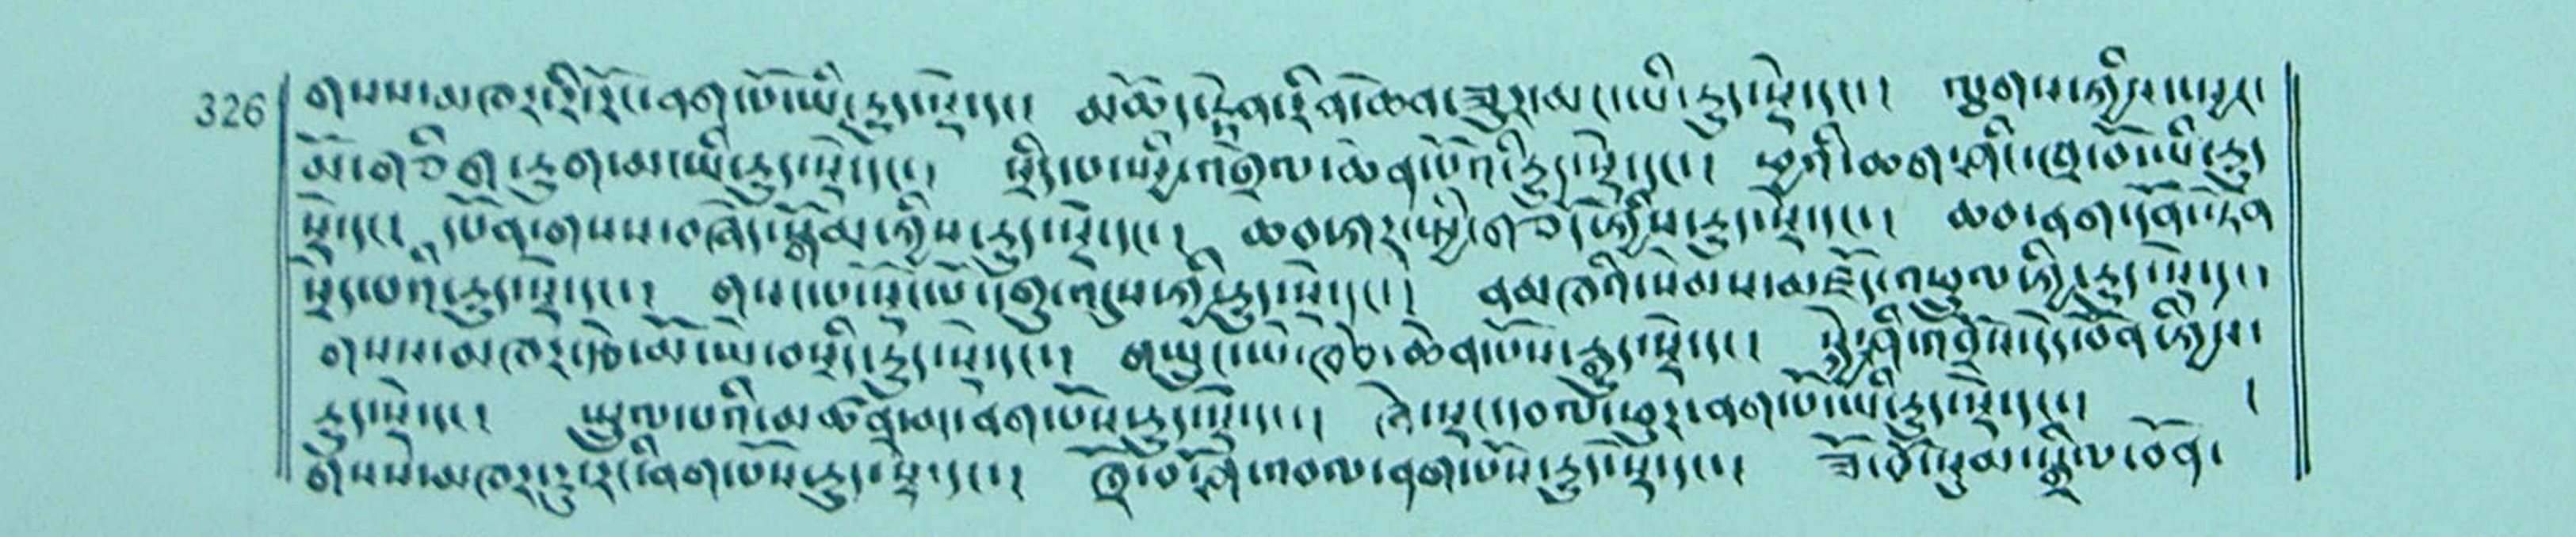གསས་མཁར་རི་རོང་ནག་པོའི་རྒྱུད་སྡེ་དང་། མཆོད་རྟེན་རིན་ཆེན་ཟུར་མང་གི་རྒྱུད་སྡེ་དང་། ལྕགས་ཀྱིས་སྤྱང་
མོ་གཅིག་རྒྱུག་མ་ཡི་རྒྱུད་སྡེ་དང་། སྲིད་པ་སྤྱི་འགྲེལ་ཆེན་པོའི་རྒྱུད་སྡེ་དང་། ཕྱའི་ཆག་ཤིང་ཁྲ་བོ་ཡི་རྒྱུད་
སྡེ་དང་། དཔོན་གསས་བཞེད་སྒོམ་གྱི་རྒྱུད་སྡེ་དང་། ཆབ་དཀར་སྤྱི་གཅོད་ཀྱིས་རྒྱུད་སྡེ་དང་། ཆབ་ནག་དོན་སྟོན་
སྲིད་པའི་རྒྱུད་སྡེ་དང་། གསང་བ་སྡོང་པོ་དགུ་འདུས་ཀྱི་རྒྱུད་སྡེ་དང་། ནམ་མཁའི་སེམས་མཛོད་འཕྲུལ་གྱི་རྒྱུད་སྡེ་དང་།
 གསས་མཁར་རྩེ་མོ་ཡེ་བསྲིད་རྒྱུད་སྡེ་དང་། གཡུང་དྲུང་ཡེ་ཁེབ་ཆེན་པོའི་རྒྱུད་སྡེ་དང་། སྐྱེ་ཤི་འབྲོད་འདེད་བོན་གྱིས་
རྒྱུད་སྡེ་དང་། སྤྲུལ་པའི་མཚན་མ་ནག་པོའི་རྒྱུད་སྡེ་དང་། ཞེ་སྡང་དབལ་ཕུར་ནག་པོའི་རྒྱུད་སྡེ་དང་། 
གསས་མཁར་རུ་རིང་ནག་པོའི་རྒྱུད་སྡེ་དང་། ཁྲོ་བོ་ཤ་འབལ་ནག་པོའི་རྒྱུད་སྡེ་དང་། ཟོ་བོ་སུམ་སྒྲིལ་བོན་